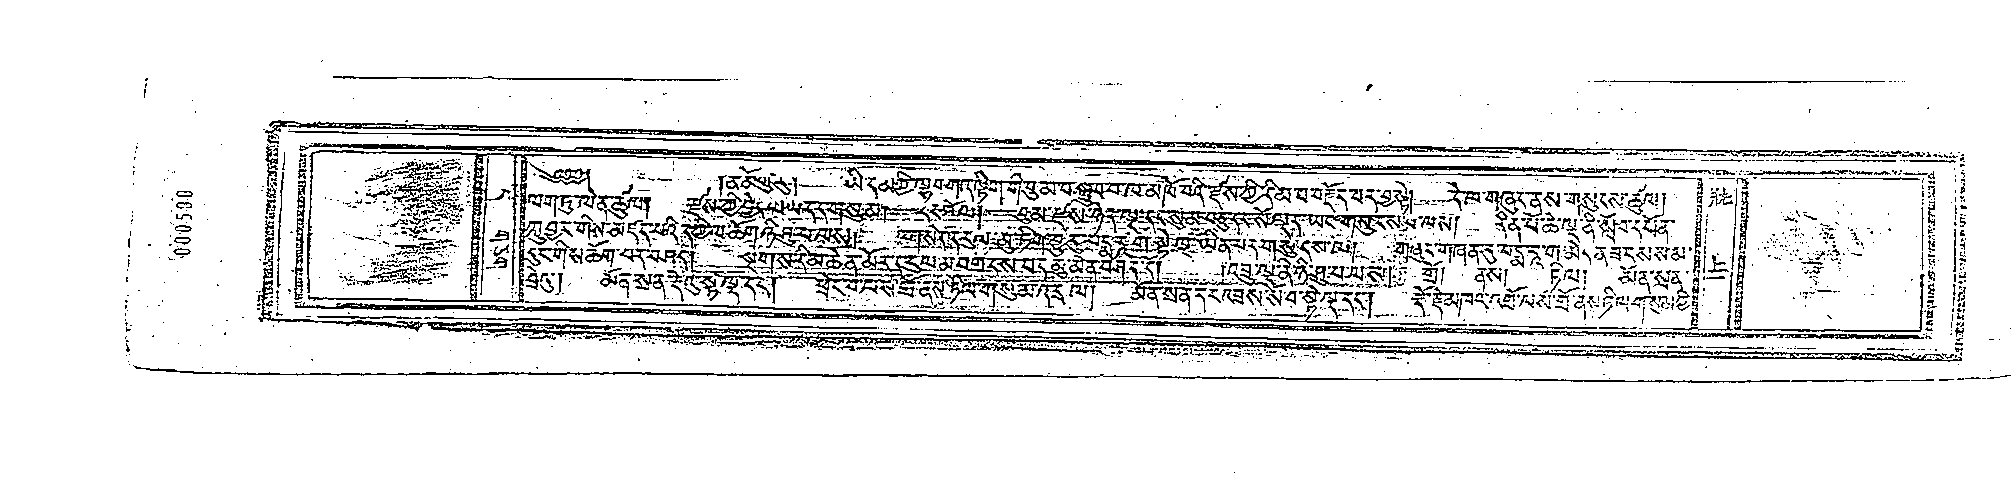༄༅༅། །ན་མོ་གུ་རུ། ཡི་དམ་གྱི་ལྷ་འགའ་ཞིག་གི་བུམ་པ་སྒྲུབ་པ་ལ་མཁོ་བའི་རྫས་ཀྱི་རིམ་པ་བརྗོད་པར་བྱ་སྟེ། དེ་ལ་གཞུང་ནས་གསུངས་ཚུལ།
ལག་ཏུ་ལེན་ཚུལ། རྫས་ཀྱི་བྱེད་ལས་དང་གསུམ། དང་པོ་ལ། བུམ་རྫས་ཉེར་ལྔ་དང་སུམ་བཅུ་དང་སོ་ལྔར་ཡང་གསུངས་པ་ལས། རིན་པོ་ཆེ་ལྔ་ནི་སློབ་དཔོན་
ཀླུ་བྱང་གིས་མཛད་པའི་དཀྱིལ་ཆོག་ཉི་ཤུ་པ་ལས། གསེར་དངུལ་མུ་ཏིག་བྱུ་རུ་པདམ་རཱ་ག་སྟེ་ལྔ་ཡིན་པར་གསུངས་ལ། གཞུང་གཞན་དུ་པདམ་རཱ་ག་མེད་ན་ཟངས་སམ་
དུང་གིས་ཆོག་པར་བཤད། སྔགས་རིམ་ཆེན་མོར་དངུལ་མ་བགྲངས་པར་མུ་མེན་བཤད་དོ། །འབྲུ་ལྔ་ནི་ཉི་ཤུ་པ་ལས། གྲོ། ནས། ཏིལ། མོན་སྲན་
བྲེའུ། མོན་སྲན་རྡེའུ་སྟེ་ལྔ་དང་། ཕྲེང་བ་ལས་གྲོ་ནས་ཏིལ་གསུམ་འདྲ་ལ། མོན་སྲན་དང་འབྲས་སོབ་སྟེ་ལྔ་དང་། རྡོ་རྗེ་མཁའ་འགྲོ་ལས་གྲོ་ནས་ཏིལ་གསུམ་གྱི་